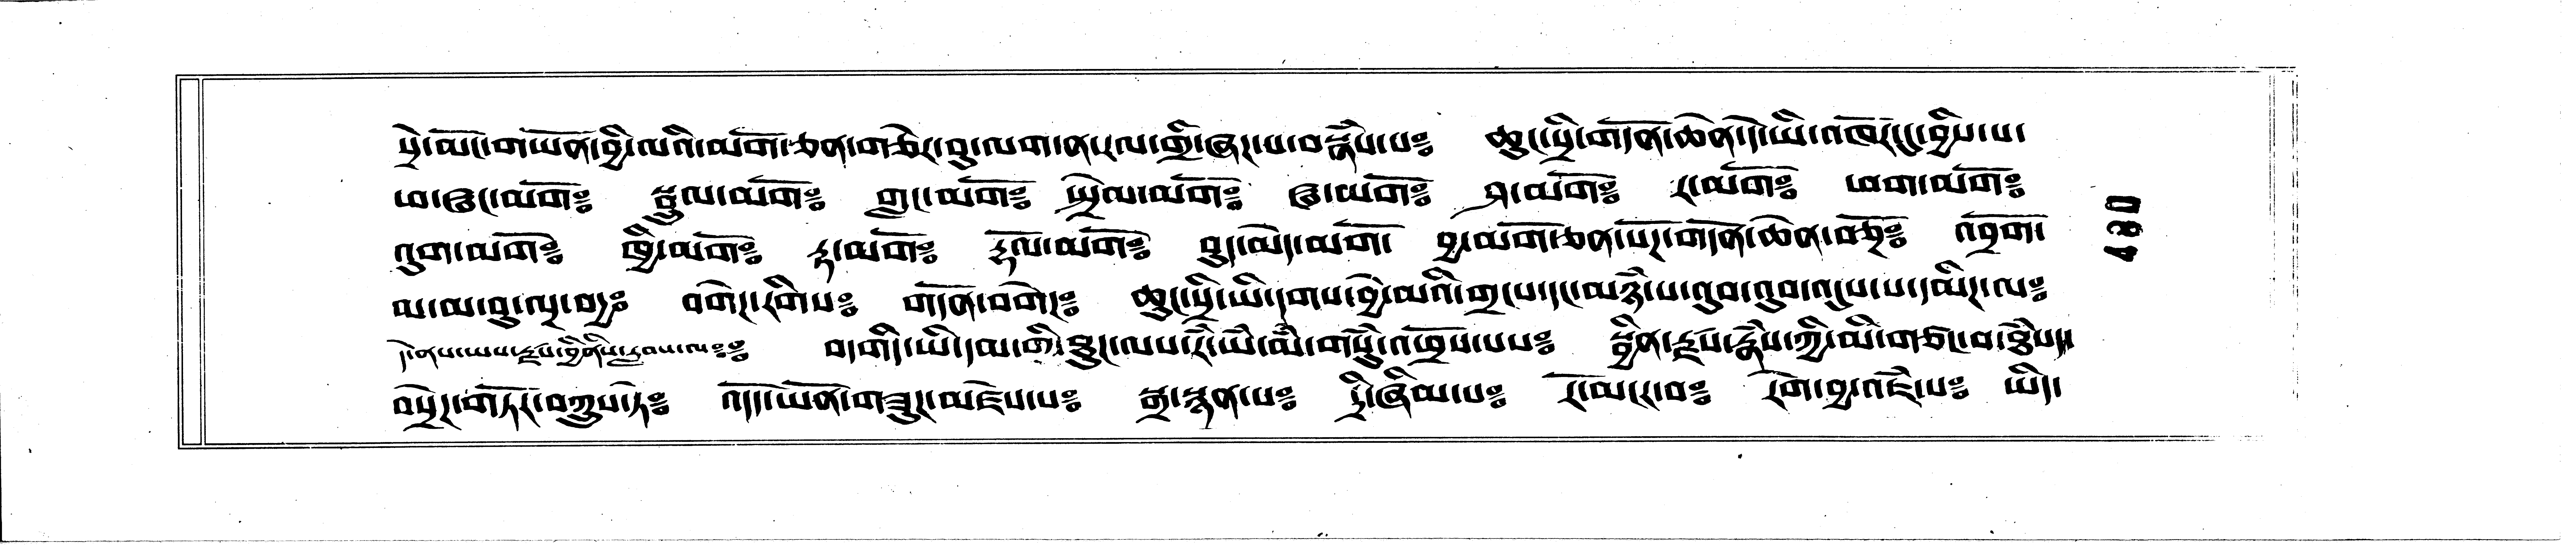སྲེ་མོང་གཡོན་བྱི་ལའི་མགོ་ཅན་གཅེར་བུ་ལག་ན་རལ་གྲི་ཞགས་པ་བསྣམས་པ༔ཆུང་སྲི་གདོན་ཆེན་དེ་ཡི་འཁོར་དུ་བྱིས་པ་
ཕ་ཝང་མགོ༔སྦྲུལ་མགོ༔གླང་མགོ༔སྤྲེལ་མགོ༔ཝ་མགོ༔ཤ་མགོ༔ར་མགོ༔ཕག་མགོ༔
འུག་མགོ༔ཁྱི་མགོ༔རྟ་མགོ༔རྡོལ་མགོ༔བུད་མེད་མགོཿ བྱ་མགོ་ཅན་སོགས་གདོན་ཆེན་བཅོ་ལྔ༔འབྲོག་
མ་མ་བུ་ལྔ་བརྒྱ༔བགེགས་རིགས༔གདོན་བགེགས༔ཆུང་སྲི་ཡི་དྭགས་བྱེ་མའི་གྲངས་དང་མཉམ་པ་འུབ་འུབ་འདུས་པ་དམིགས་ལ༔ 
དེ་ནས་ཡས་རྫས་བྱིན་གྱིས་རླབས་ལ༔༔ བདག་ཉིད་ཡི་དམ་གྱི་ཐུགས་ལས་རཾ་ཡཾ་མཾ་གསུམ་འཕྲོས་པས༔སྦྱིན་རྫས་རྣམས་ཀྱི་མི་གཙང་བ་ཐམས་ཅད་
བསྲེགས་གཏོར་བཀྲུས་ཏེ༔འདོད་ཡོན་གཟུགས་མཛེས་པ༔སྒྲ་སྙན་པ༔དྲི་ཞིམ་པ༔རོ་མངར་བ༔རེག་བྱ་འཇམ་པ༔ཡིད་